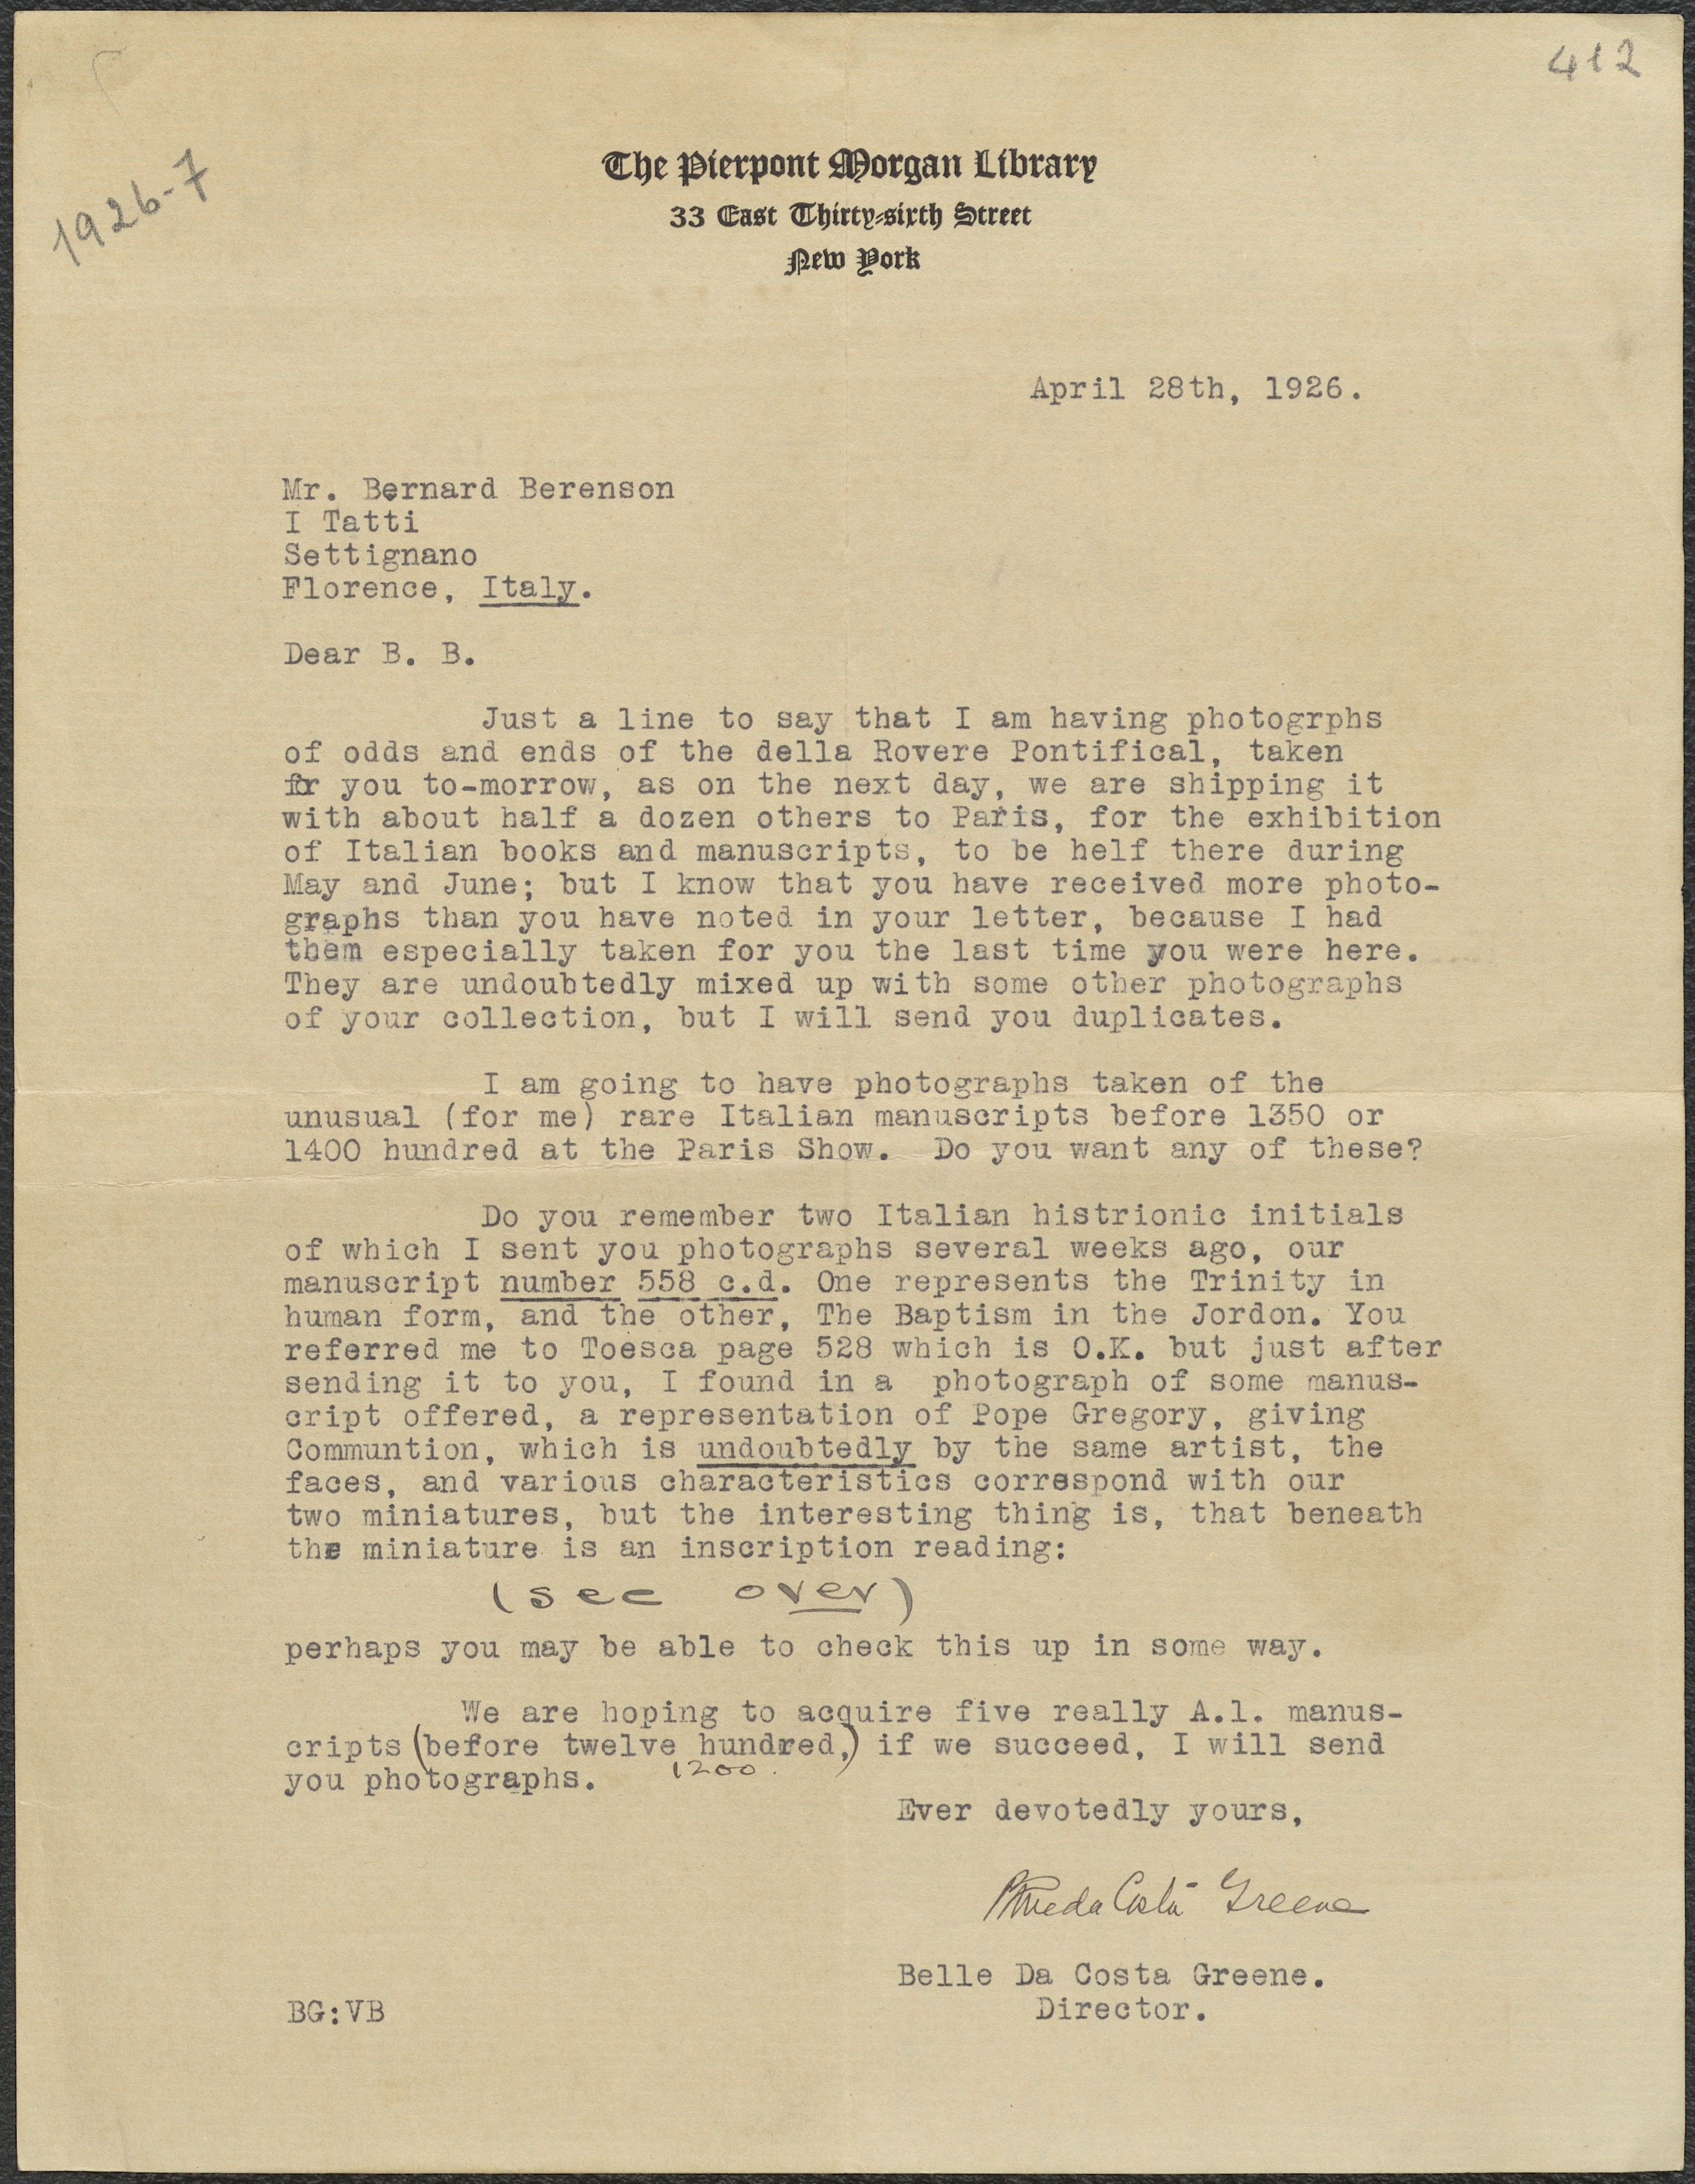April 28th, 1926.
Mr. Bernard Berenson
I Tatti
Settignano
Florence, Italy.
Dear B.B.
Just a line to say that I am having photogrphs [sic] of odds and ends of the della Rovere Pontifical, taken for you to-morrow, as on the next day, we are shipping it with about half a dozen others to Paris, for the exhibition of Italian books and manuscripts, to be helf [sic] there during May and June; but I know that you have received more photographs than you have noted in your letter, because I had them especially taken for you the last time you were here. They are undoubtedly mixed up with some other photographs of your collection, but I will send you duplicates.
I am going to have photographs taken of the unusual (for me) rare Italian manuscripts before 1350 or 1400 hundred at the Paris Show. Do you want any of these?
Do you remember two Italian histrionic initials of which I sent you photographs several weeks ago, our manuscript number 558 c.d. One represents the Trinity in human form, and the other, The Baptism in the Jordon [sic]. You referred me to Toesca page 528 which is O.K. but just after sending it to you, I found in a photograph of some manuscript offered, a representation of Pope Gregory, giving Communtion [sic], which is undoubtedly by the same artist, the faces, and various characteristics correspond with our two miniatures, but the interesting thing is, that beneath the miniature is an inscription reading: [handwritten: (see over)]
perhaps you may be able to check this up in some way.
We are hoping to acquire five really A.l. manuscripts (before twelve hundred, [handwritten, underneath: 1200]) if we succeed, I will send you photographs.
Ever devotedly yours,
[signed: Belle da Costa Greene]
Belle De Costa Greene.
Director.
BG:VB